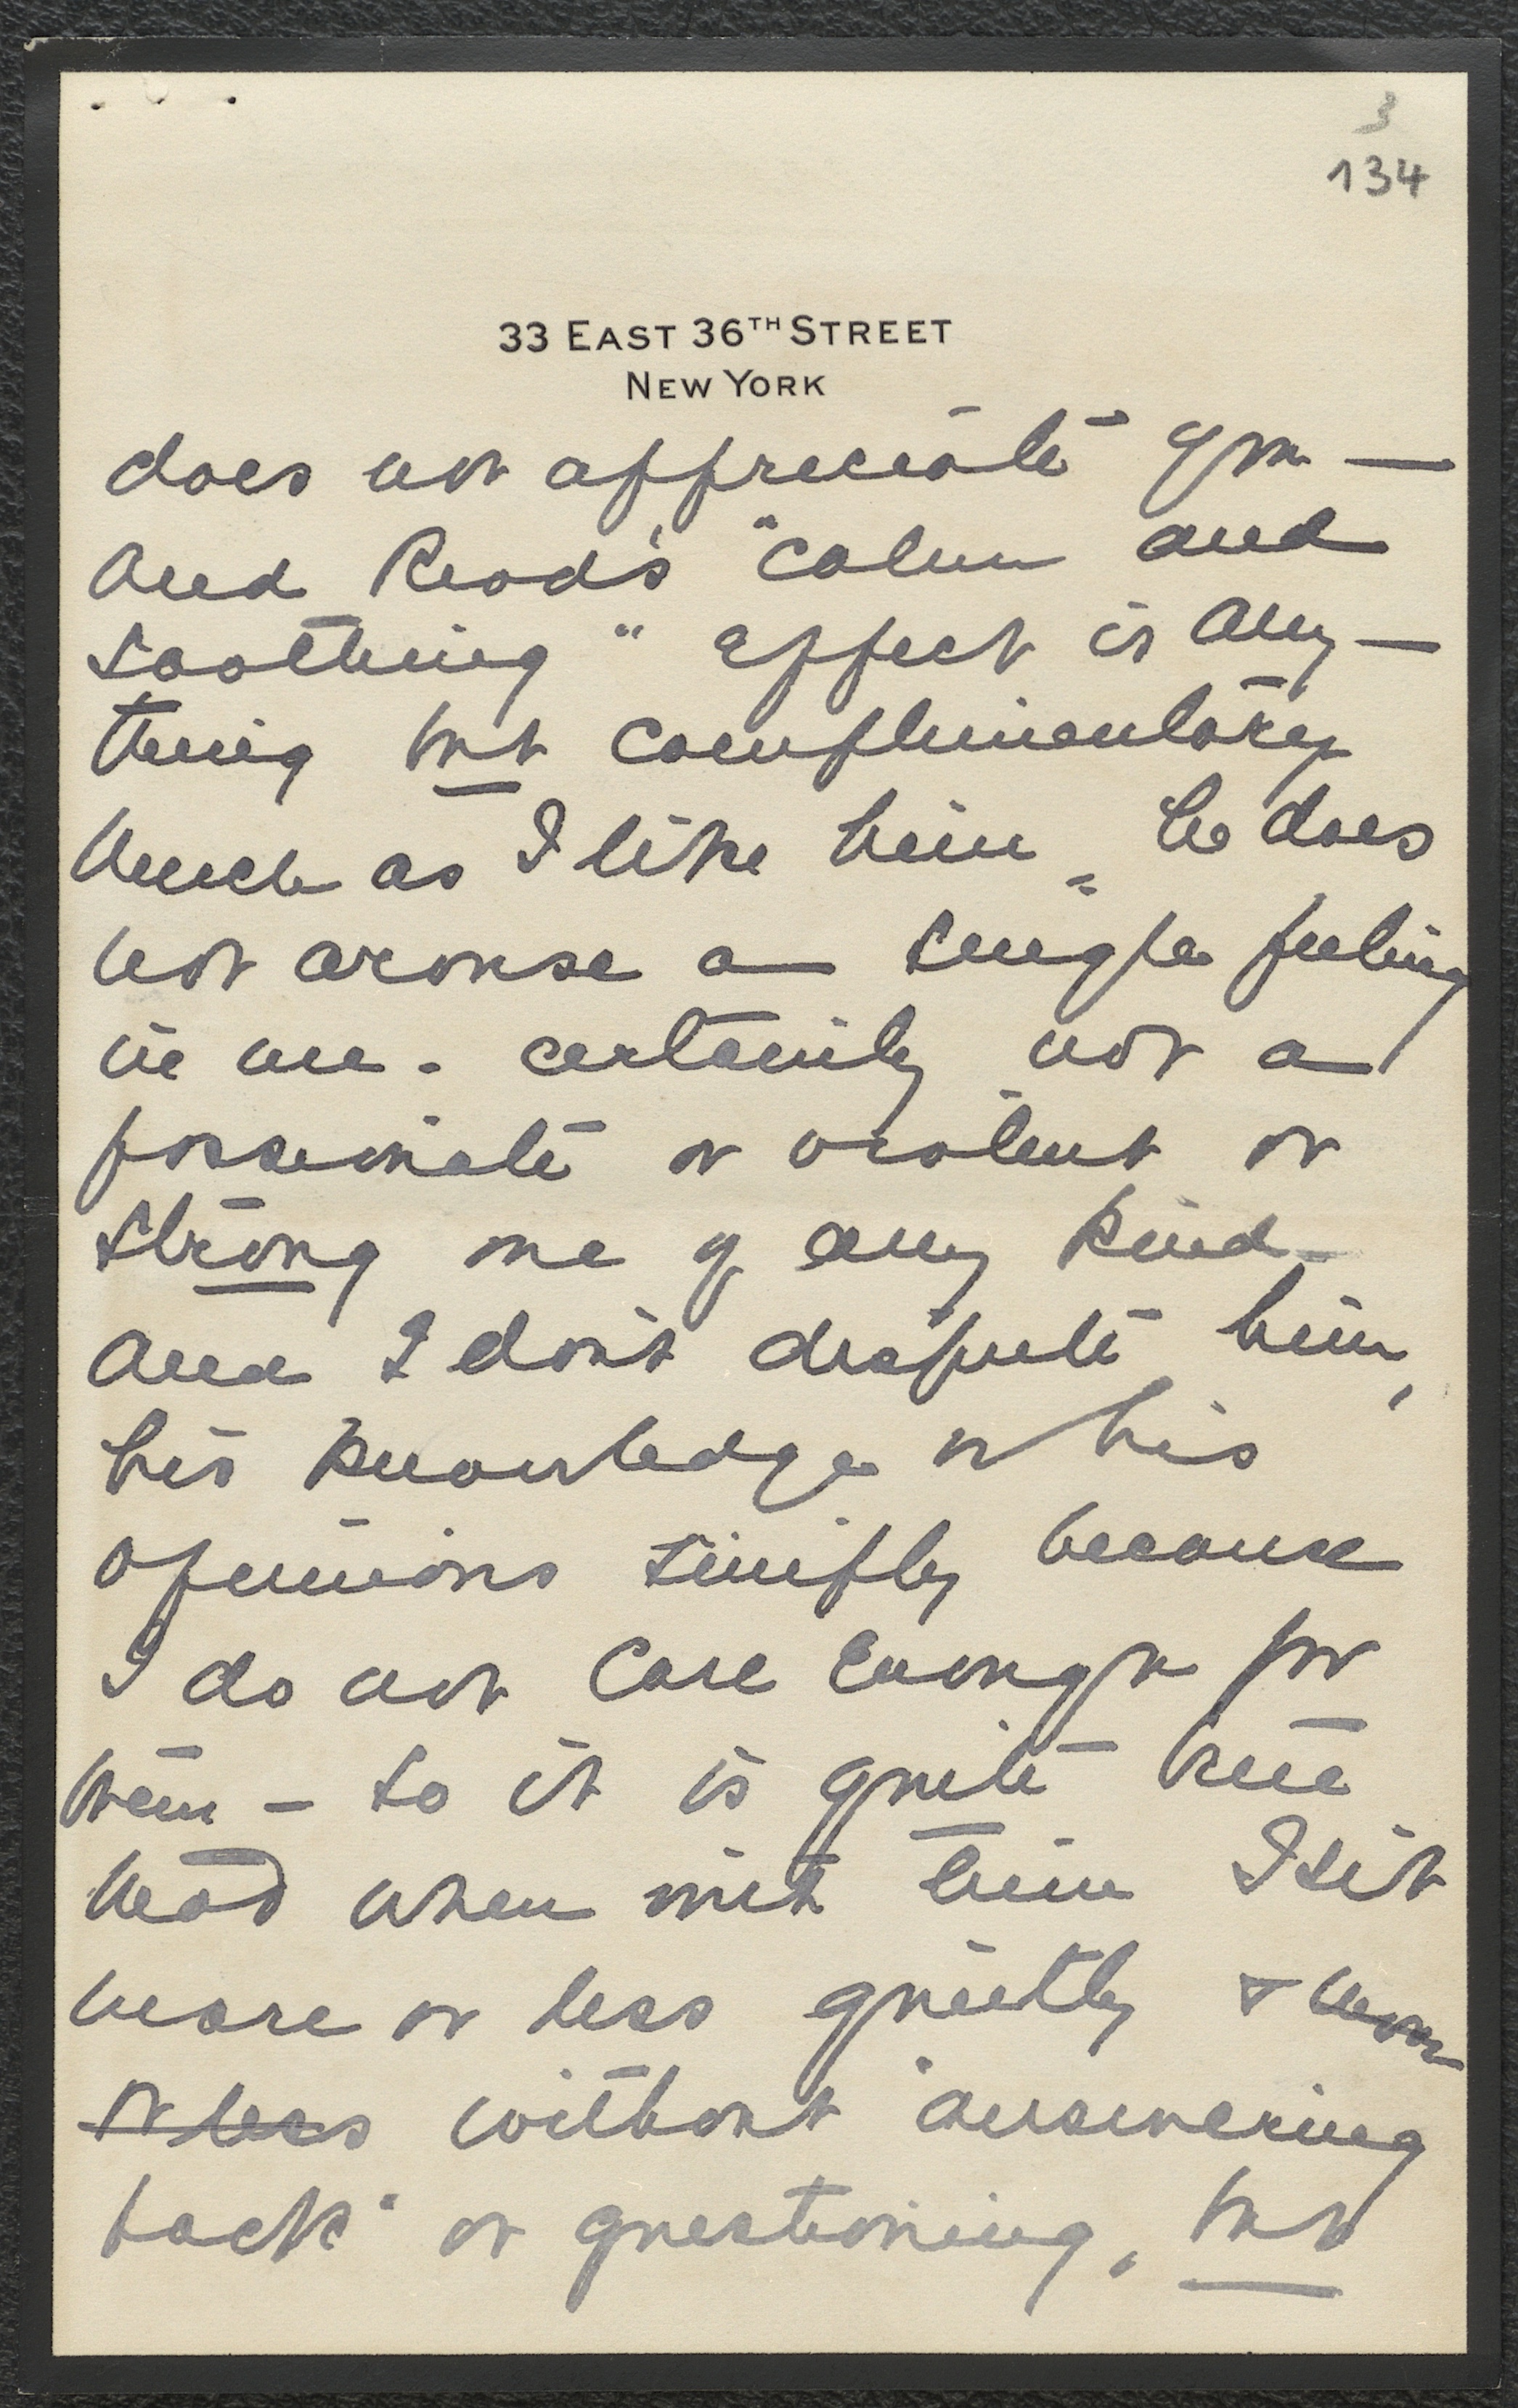does not appreciate you – and Read’s “calm and soothing” effect is anything but complimentary much as I like him he does not arouse a single feeling in me – certainly not a passionate or violent or strong one of any kind – and I don’t dispute him, his knowledge or his opinions simply because I do not care enough for them – so it is quite true that when with him I sit more or less quietly & more or less without “answering back” or questioning, but